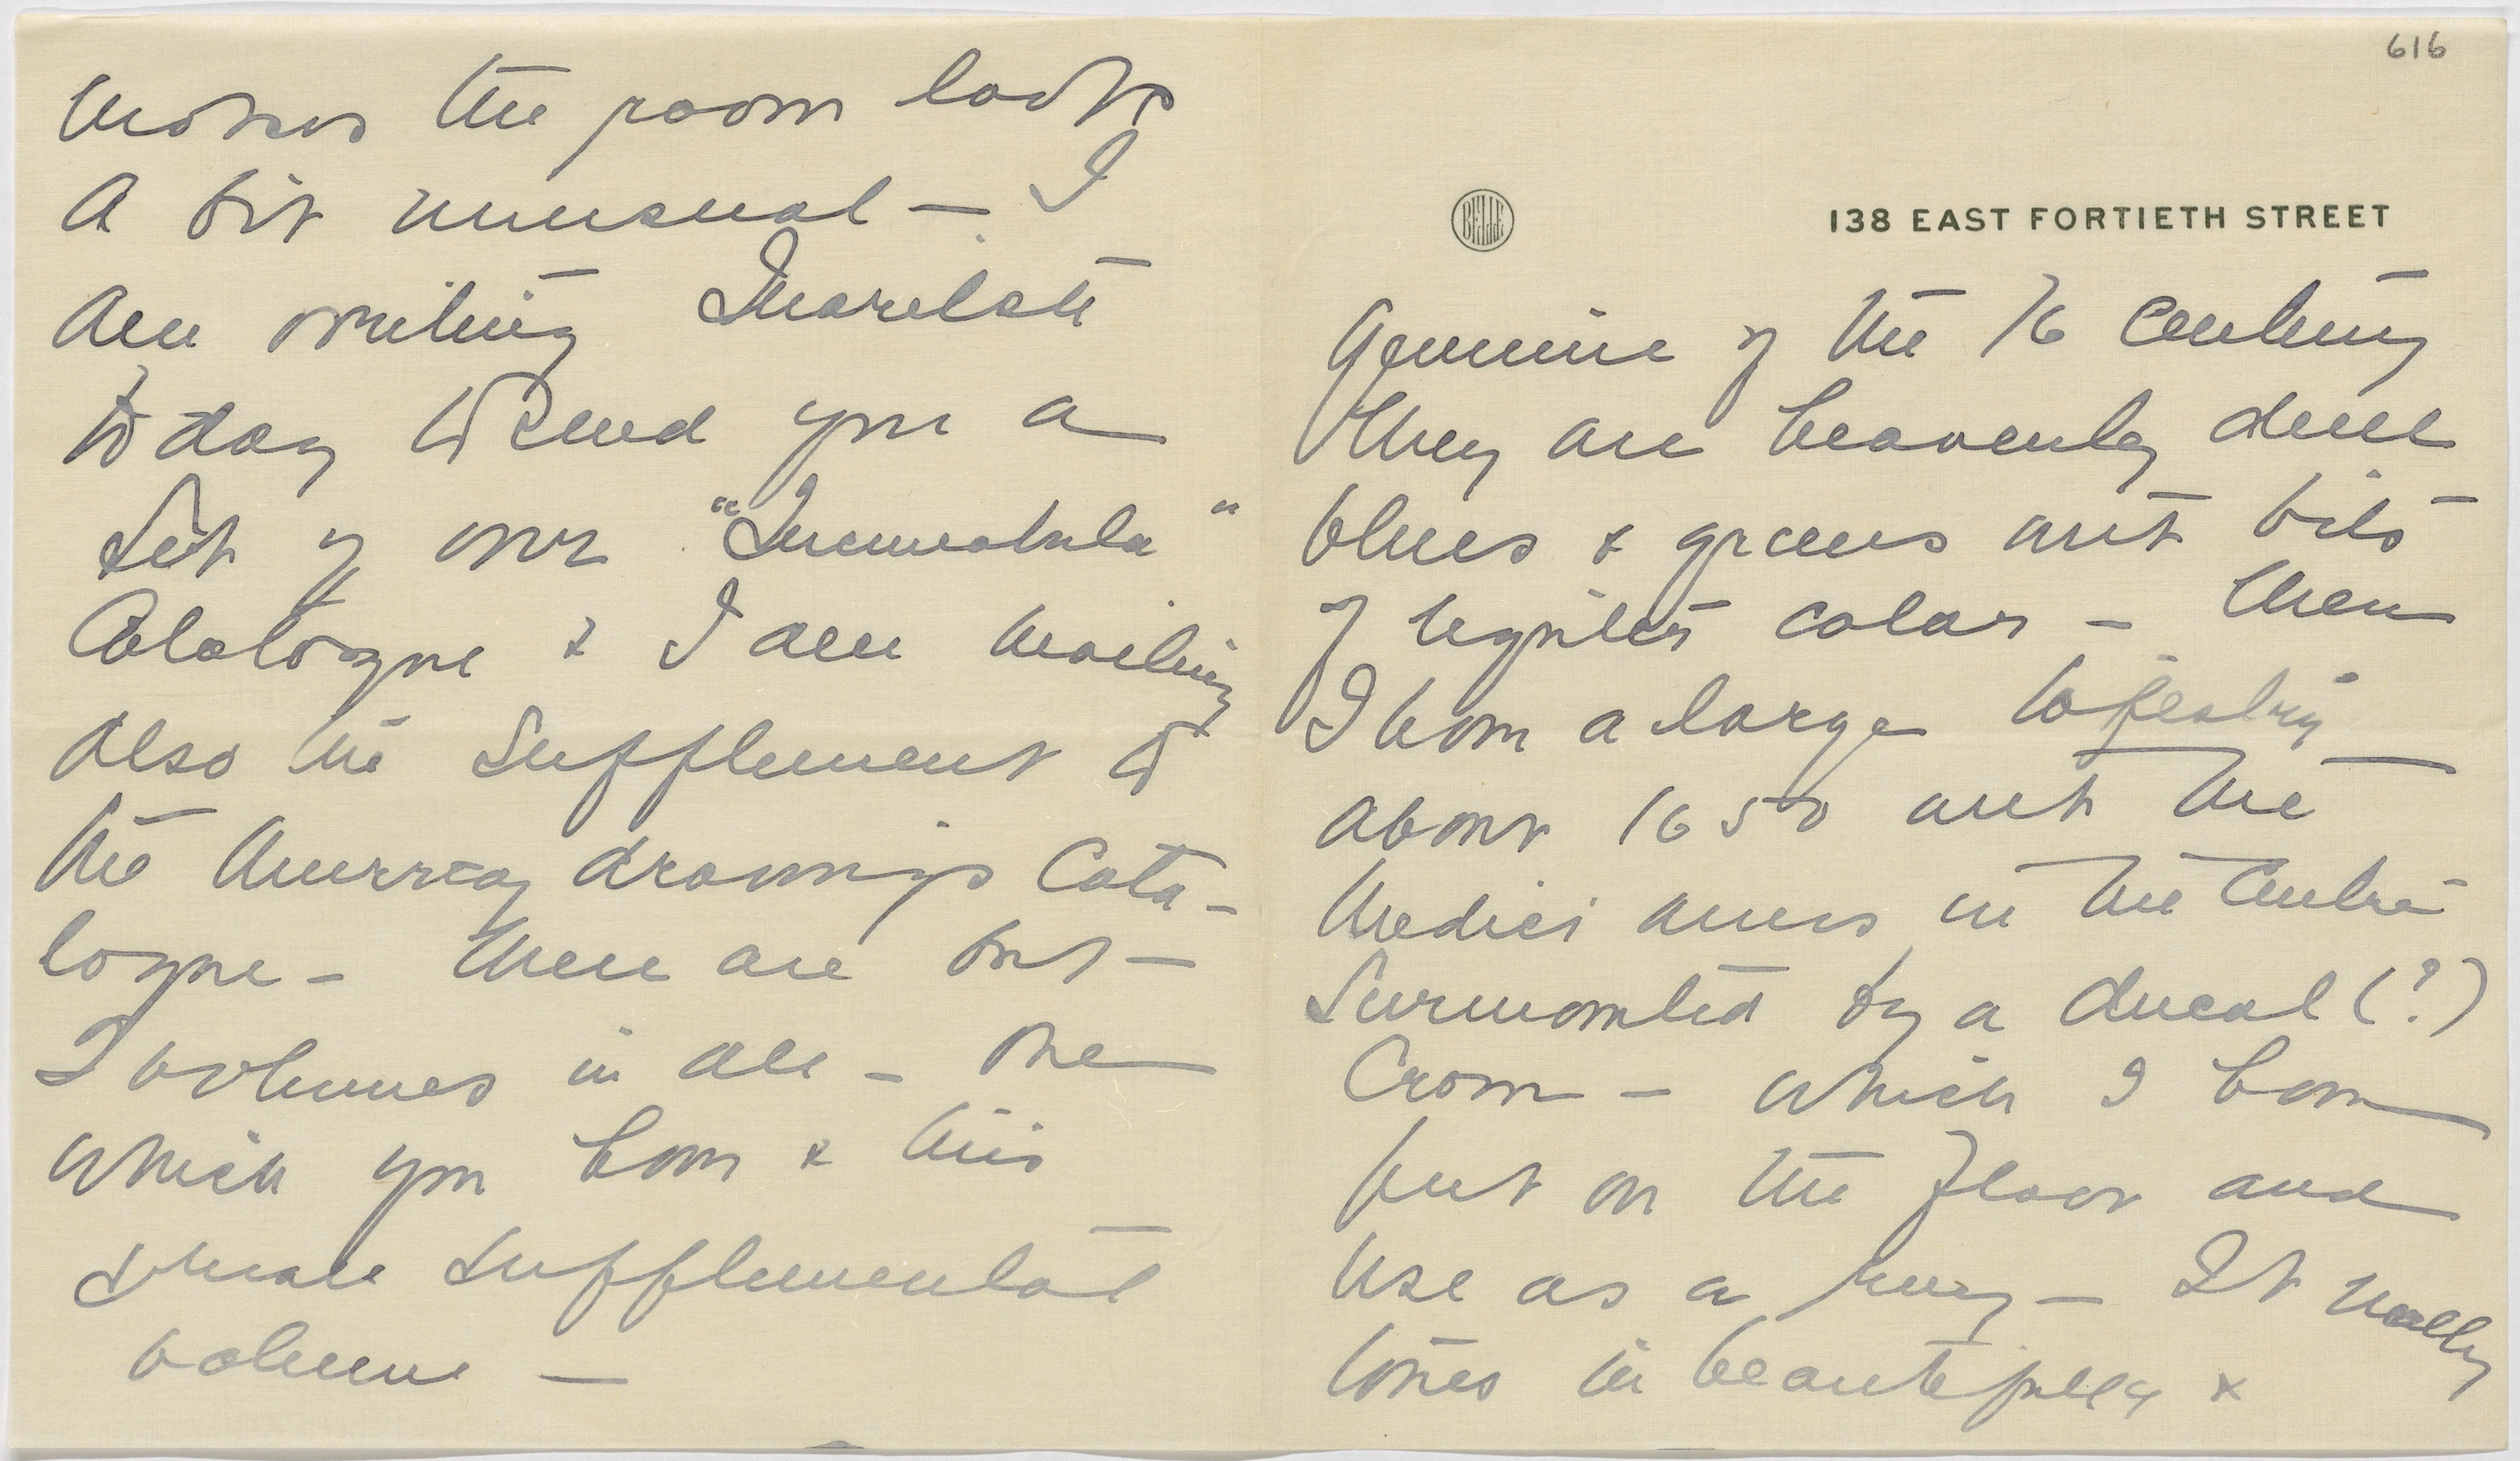genuine of the 16 Century They are heavenly dull blues & greens with bits of lighter color – Then I have a large tapestry about 1650 with the Medici arms in the centre surmounted by a ducal (?) crown – which I have put on the floor and use as a rug – It really tones in beautifully &
Makes the room look a bit unusual – I am writing Quaritch today to send you a set of our “Incunabula” Catalogue & I am mailing also the supplement to the Murray drawings Catalogue – There are but 2 volumes in all – one which you have & this small supplemental volume –